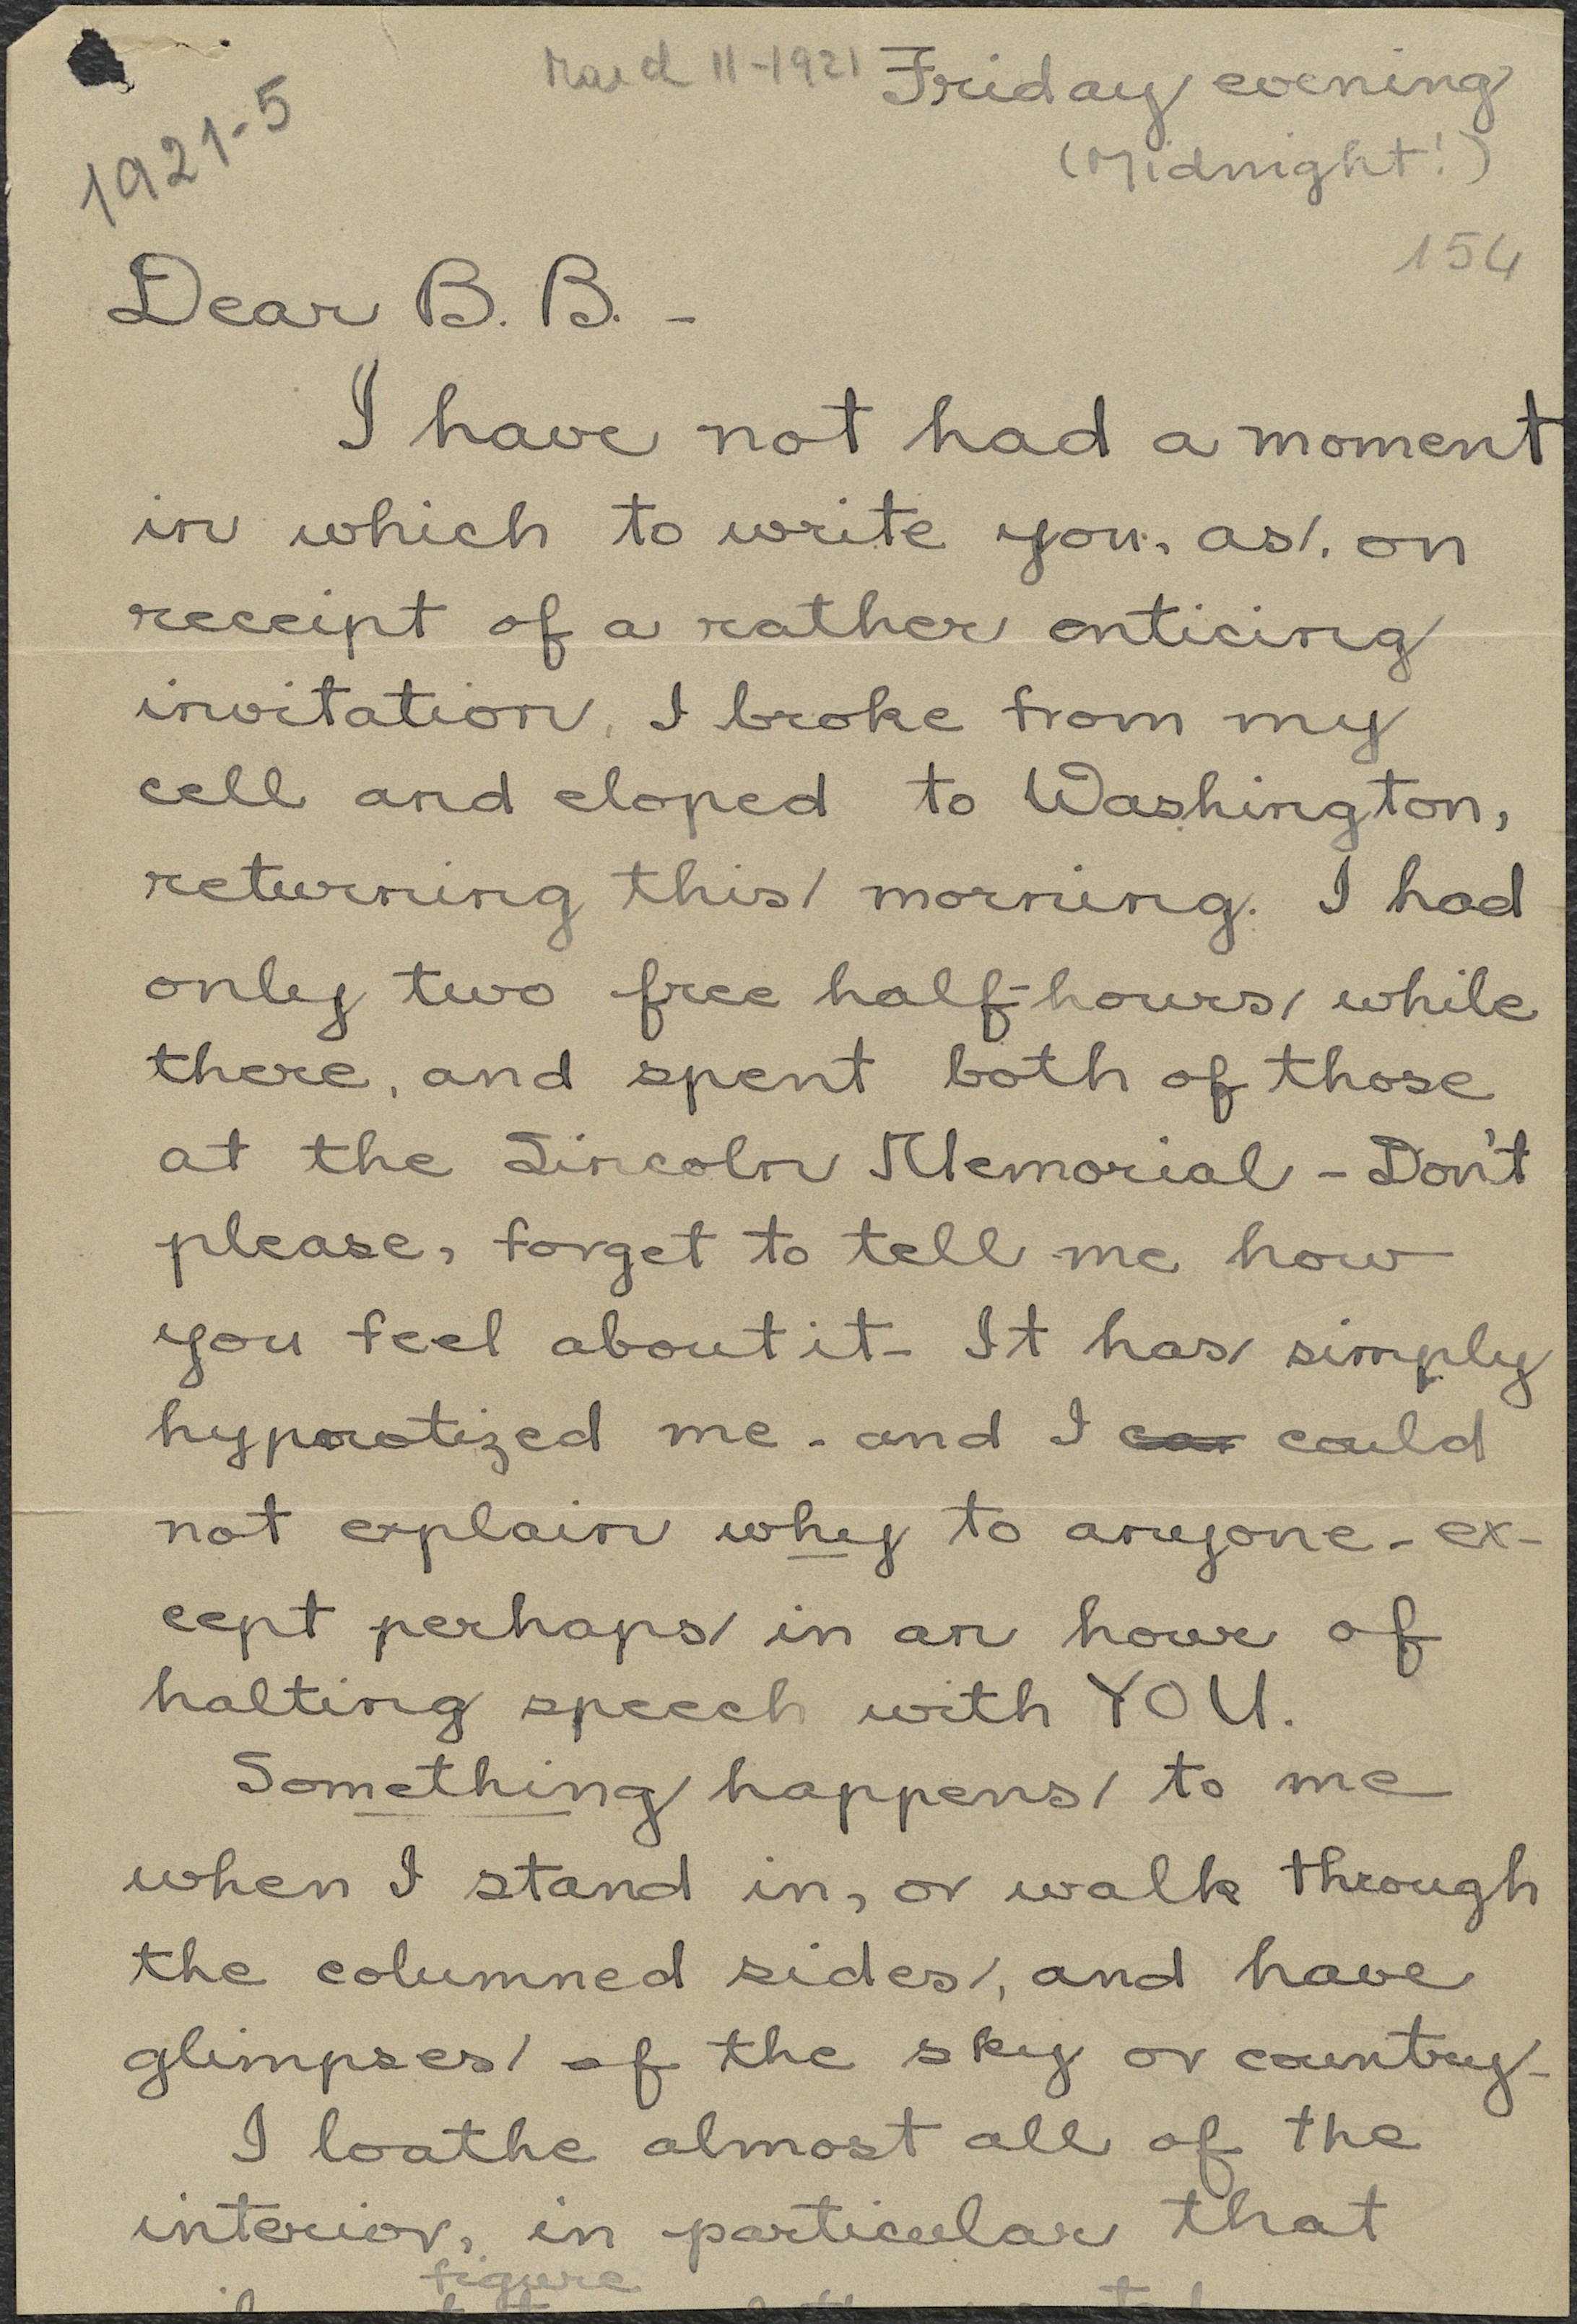Friday evening
(Midnight!)
Dear B.B. –
I have not had a moment in which to write you, as, on receipt of a rather enticing invitation, I broke from my cell and eloped to Washington, returning this morning. I had only two free half-hours while there, and spent both of those at the Lincoln Memorial – Don't please, forget to tell me how you feel about it – I has simply hypnotized me – and I can could not explain why to anyone else – except perhaps in an hour of halting speech with YOU.
Something happens to me when I stand in, or walk through the columned sides, and have glimpses of the sky or country –
I loathe almost all of the interior, in particular that [Words cut off on the bottom of the page: [illegible word] [illegible deletion] [^figure^] [illegible words]]